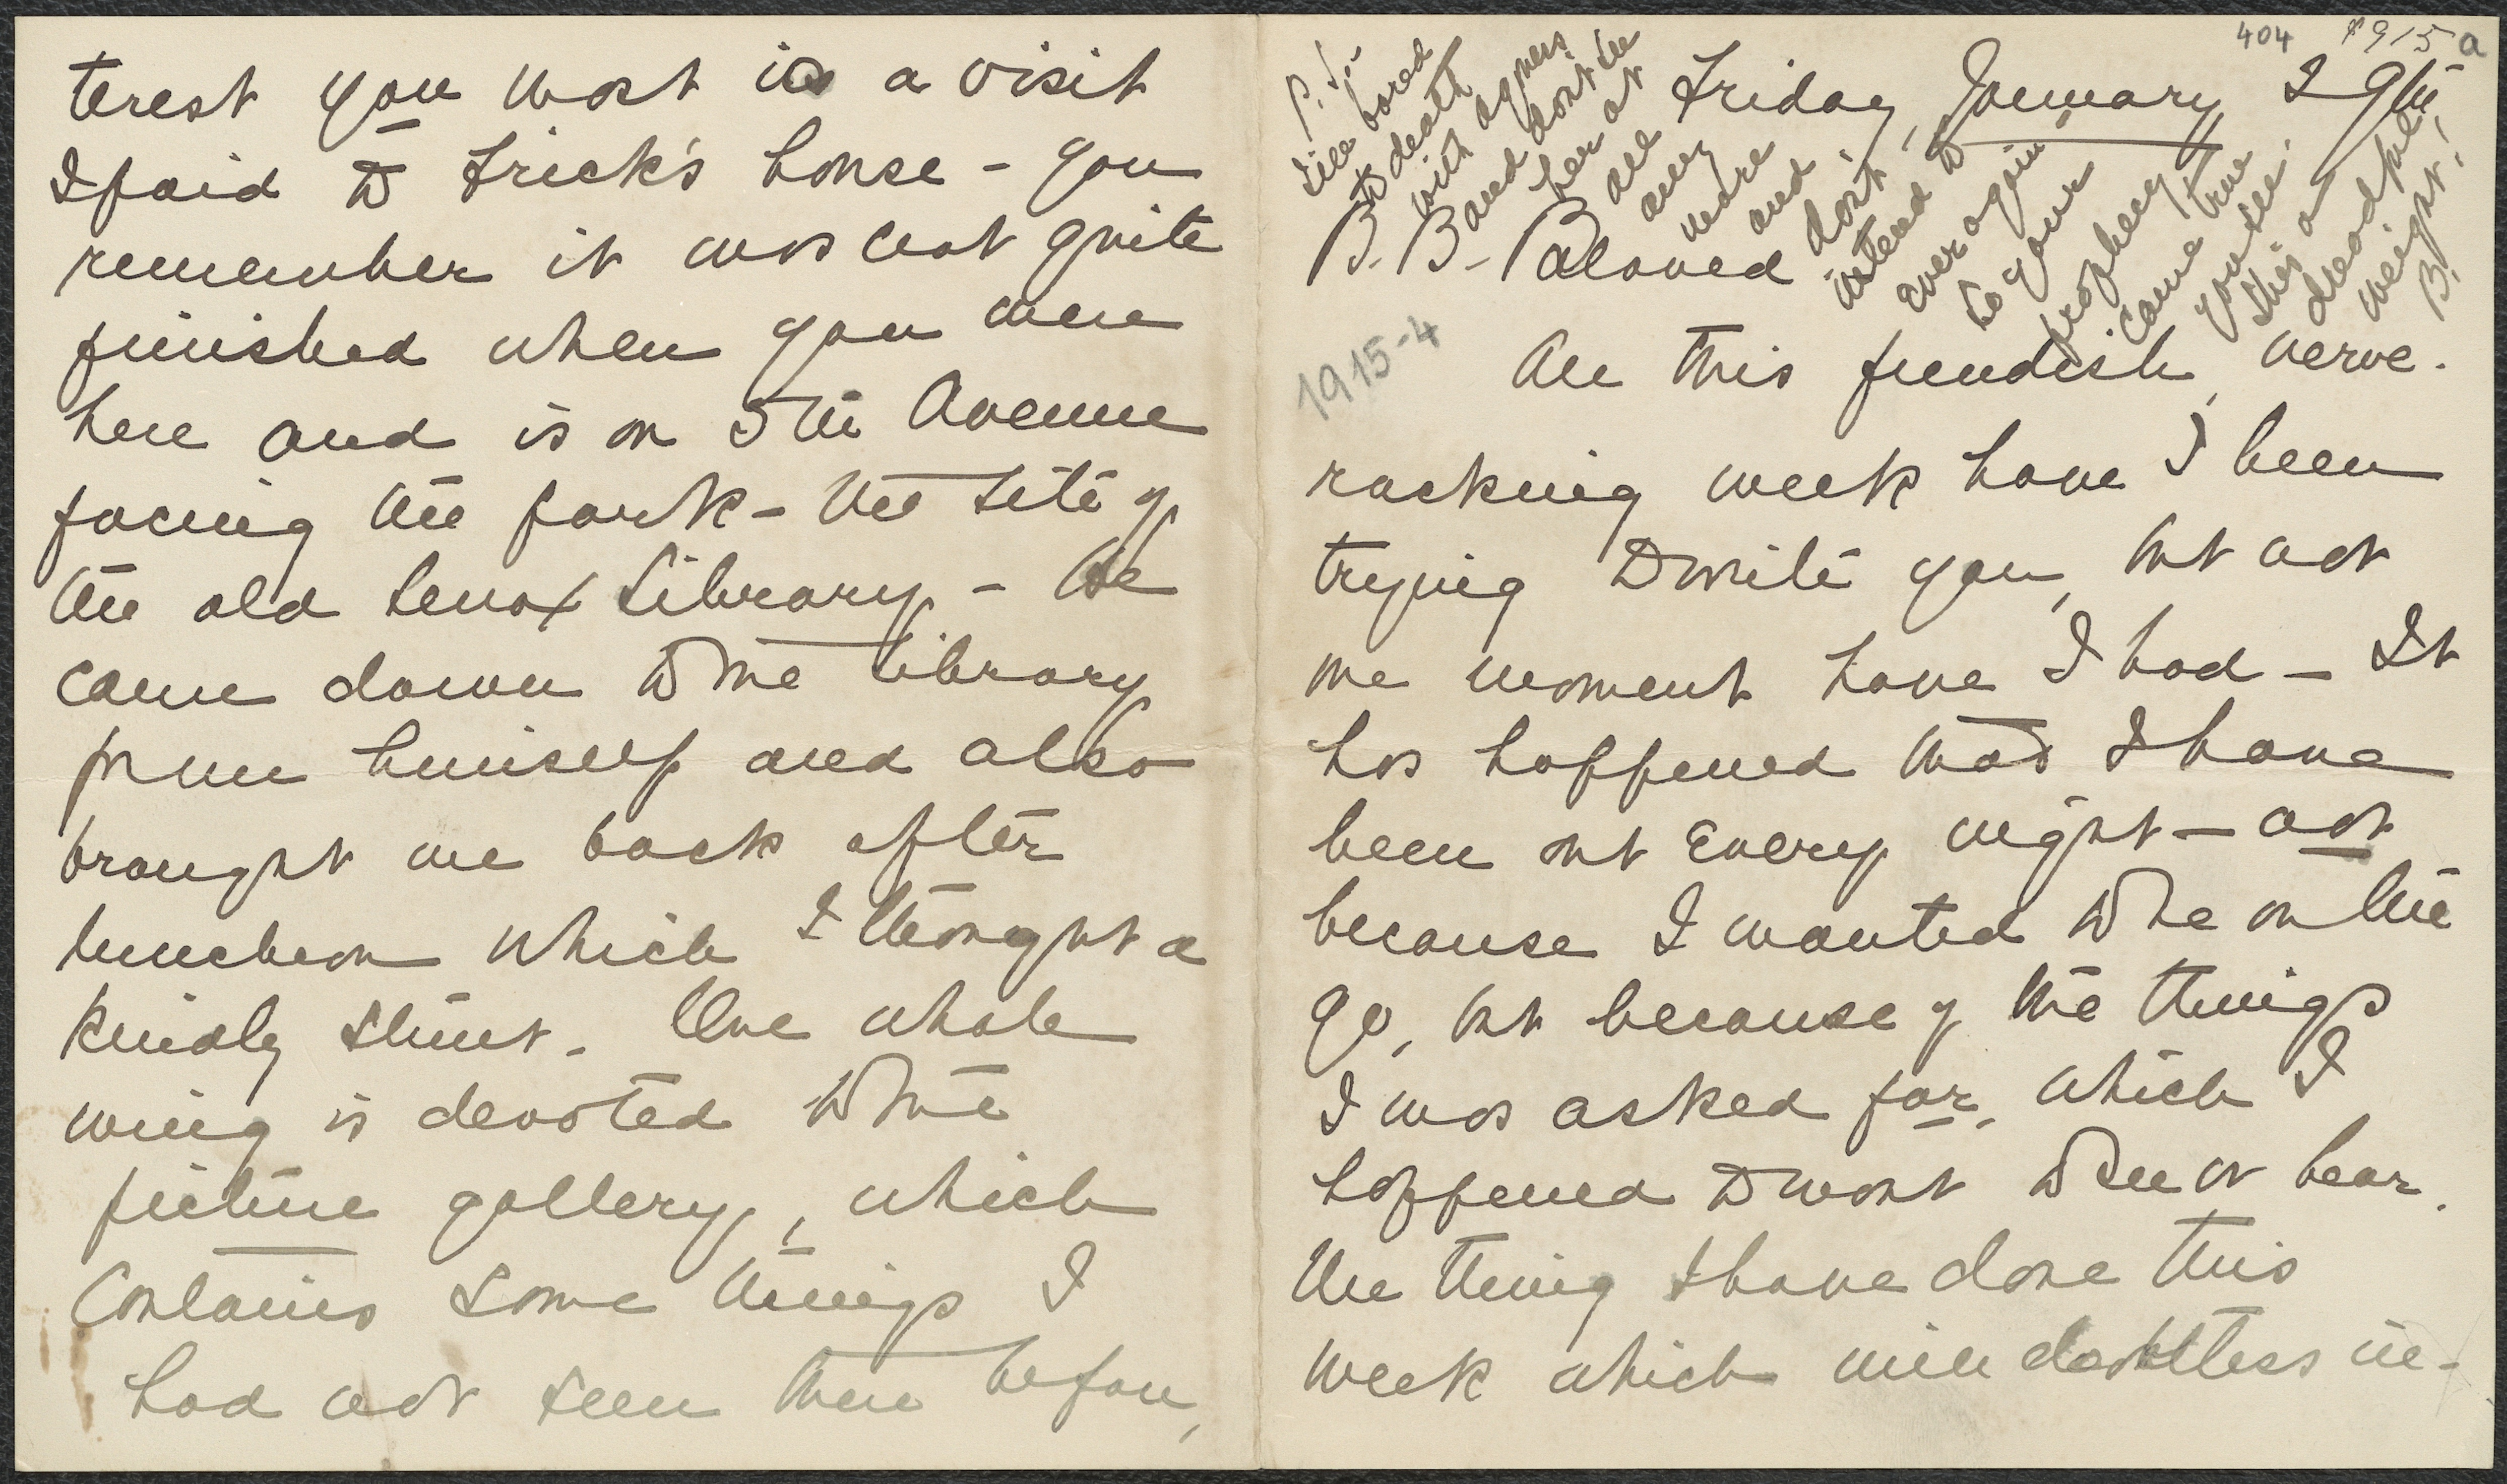Friday, Jan. 29, 1915
[written in upper margin: P.S. I’m bored to death with Agnes and don’t see her at all any more and don’t intend to ever again so your prophecy came true you’ll see – she’s a dreadful weight! B.]
B.B. Beloved –
All this fiendish nerve-racking week I have been trying to write you, but not one moment have I had – It has happened that I have been out every night – not because I wanted to be on the go, but because of the things I was asked for, which I happened to want to see or hear. The thing I have done this week which will doubtless
interest you most is a visit I paid to Frick’s house you remember it was not quite finished when you were here and is on 5th Avenue facing the park – the site of the old Lenox Library – He came down to the library for me himself and also brought me back after luncheon which I thought a kindly stunt. One whole wing is devoted to the picture gallery, which contains some things I had not seen there before,